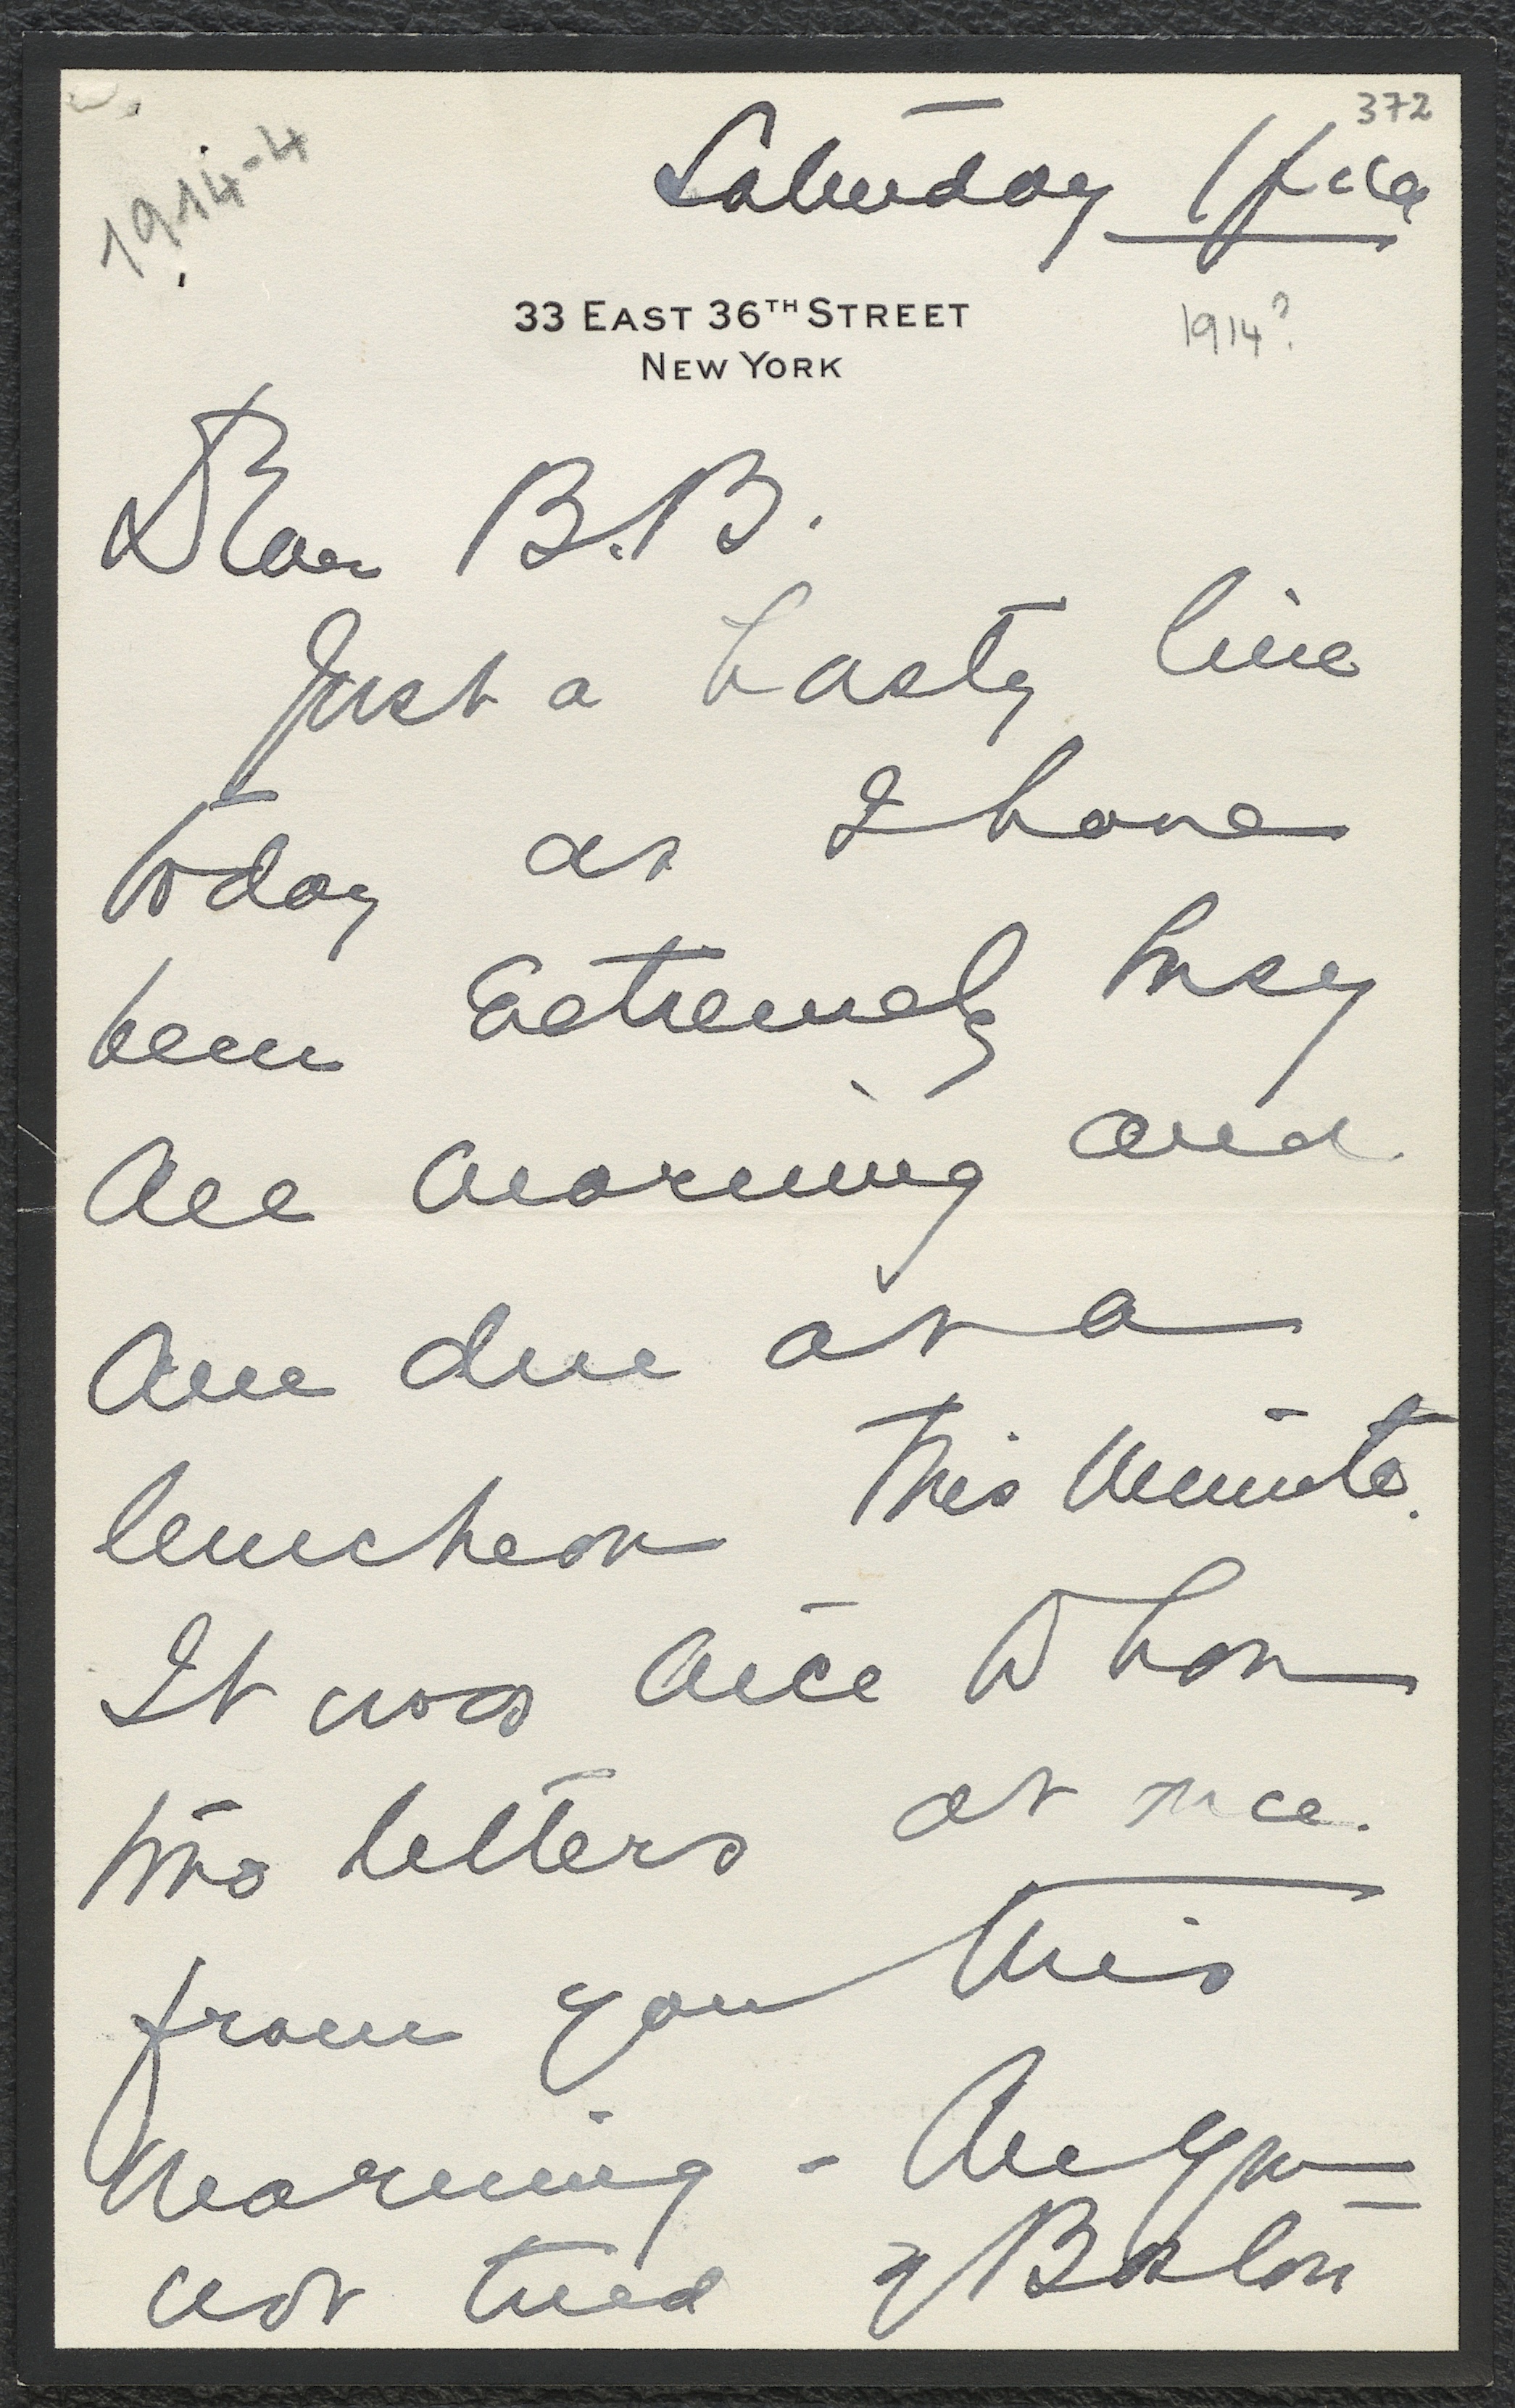Saturday 1 p.m.
Dear B.B.
Such a hasty line today as I have been extremely busy all morning and am due at a luncheon this minute. It was nice to have two letters at once from you this morning – Are you not tired of Boston